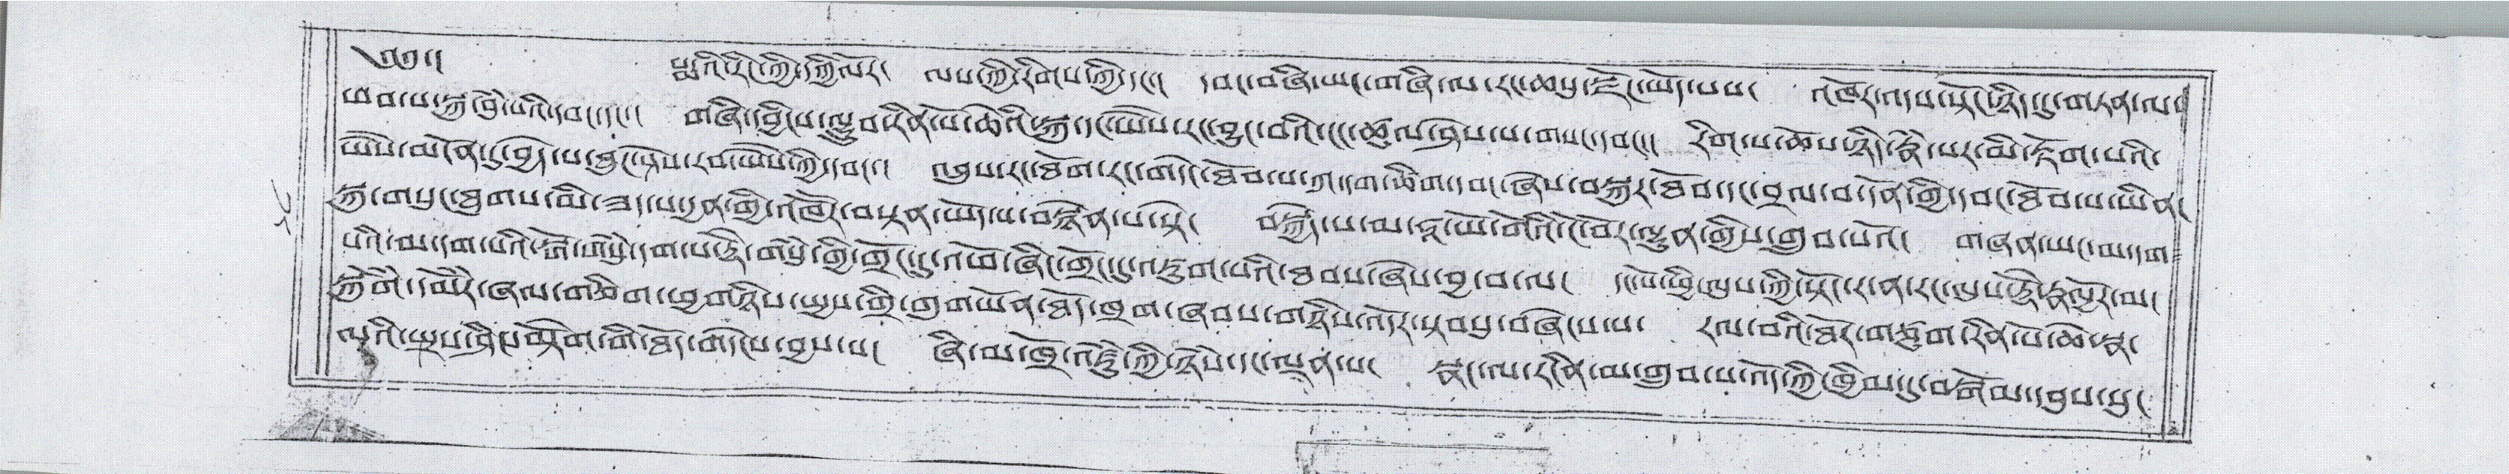པདྨ་རིགས་ཀྱི་དཀྱིལ་འཁོར། ལས་ཀྱི་རིགས་ཀྱི་དང་། དབང་བཞི་ཡང་གཞི་ལ་རང་ཆས་སུ་རྫོགས་ཡོད་པས། འཁོར་འདས་སྟོང་ཉིད་དུ་གཏན་ལ་
ཕབ་པས་སྐུ་བུམ་པའི་དབང་། གཞི་དབྱིངས་ལྷུན་གྲུབ་རིན་པོ་ཆེའི་སྐུ་དང་ཡེ་ཤེས་རང་བྱུང་བའི་ངང་ཚུལ་ཤེས་པ་གསང་དབང་། རིག་པ་ཆོས་ཉིད་རྣམ་པར་མི་རྟོག་པའི་
ཡེ་ཤེས་མངོན་དུ་བྱེད་པ་ཐུགས་ཤེས་རབ་ཡེ་ཤེས་ཀྱི་དབང་། འབྲས་བུ་རང་ཐོག་རང་གདེང་ཐོབ་པ་ཀ་དག་ཚིག་དབང་ཞེས་བསྐུར་བསྐུར་ཐོབ་དང་བྲལ་བ་དོན་གྱི་དབང་ཐོབ་པ་ཡིན། 
སྐུ་གསུང་ཐུགས་མི་བཟད་པ་རྒྱན་གྱི་འཁོར་ལོ་བསྟན་ཡོད་པ་བསྙེན་པ་སྟེ། བསྐྱེད་པ་མ་ཧཱ་ཡོ་གའི་ངོ་བོར་ལྷུན་གྱིས་གྲུབ་པའོ། གཞན་ཡང་མ་དག་
པའི་སྒོ་གསུམ་དག་པ་རྡོ་རྗེ་གསུམ་གྱི་གྲོང་དུ་འཕོ་ཞིང་གྲོང་དུ་འཇུག་པའི་ཐབས་ཞེས་བྱ་བ་ལ། དང་པོ་ཕྱི་ལུས་ཀྱི་སྟོང་ར་ན་རང་ལུས་རྡོ་རྗེ་རྣལ་འབྱོར་མ་
སྐུ་མདོག་དམར་མོ་ཞལ་གཅིག་ཕྱག་གཉིས་གཡས་གྲི་གུག་གཡོན་ཐོད་ཁྲག་ཞབས་གཉིས་འདོར་སྟབས་སུ་བཞེངས་པ། རལ་པའི་ཐོར་ཙུག་རིན་པོ་ཆེ་སྣ་
ལྔའི་སྤྲས་ཤིང་མེ་ཏོག་གི་ཐོད་གདེངས་བྱས་པ། ཞི་མ་ཁྲོ་འཛུམ་གྱི་ཉམས་དང་ལྡན་པ། སྣང་ལ་རང་བཞིན་མ་གྲུབ་པ་འོད་ཀྱི་ཁྱིམ་དུ་བསྒོམ་དབུས་སུ་